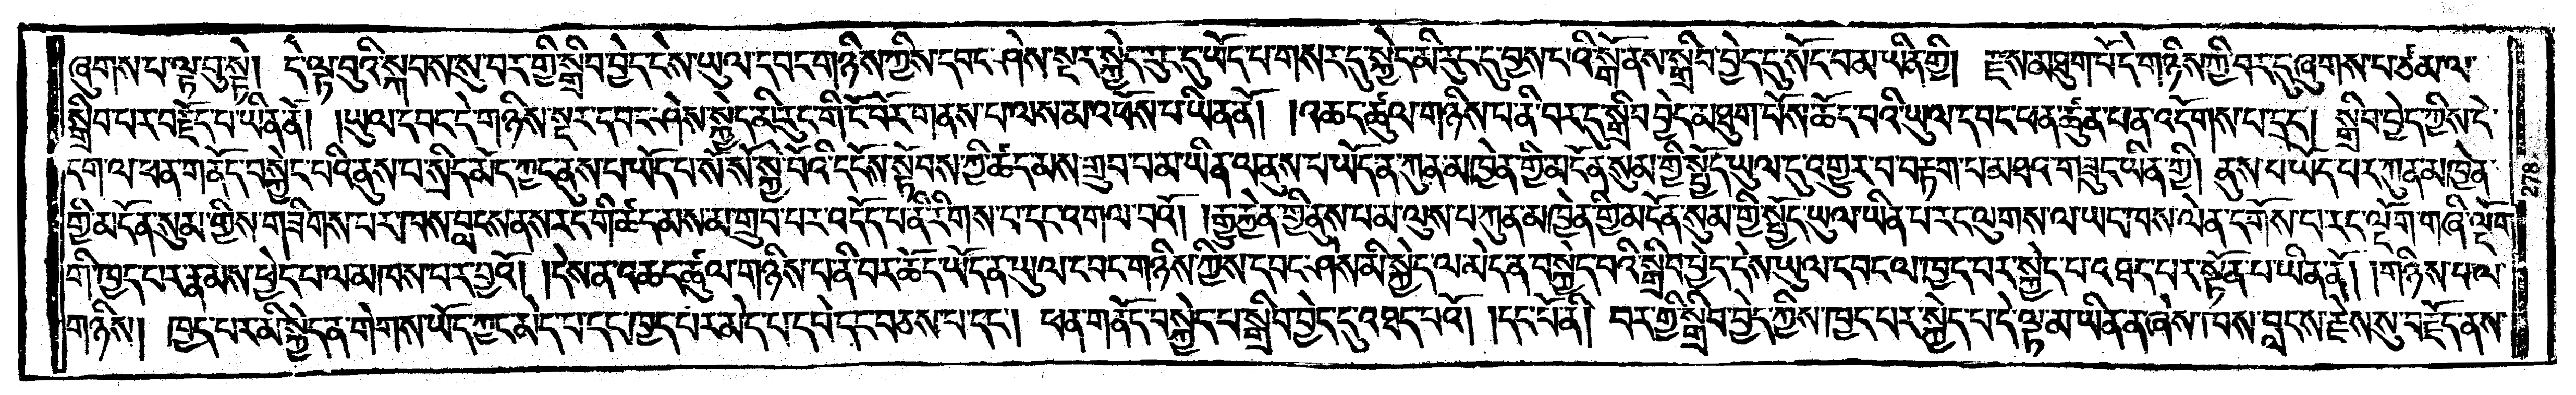ཞུགས་པ་ལྟ་བུ་སྟེ། དེ་ལྟ་བུའི་སྐབས་སུ་བར་གྱི་སྒྲིབ་བྱེད་ངེས་ཡུལ་དབང་གཉིས་ཀྱིས་དབང་ཤེས་སྔར་སྐྱེད་རུང་དུ་ཡོད་པ་གསར་དུ་སྐྱེད་མི་རུང་དུ་བྱས་པའི་སྒོ་ནས་སྒྲིབ་བྱེད་དུ་སོང་བ་མ་ཡིན་གྱི། རྫས་མཐུག་པོ་དེ་གཉིས་ཀྱི་བར་དུ་ཞུགས་ཙམ་ལ་
སྒྲིབ་པར་བརྗོད་པ་ཡིན་ནོ། །ཡུལ་དབང་དེ་གཉིས་སྔར་དབང་ཤེས་སྐྱེད་མི་རུང་གི་ངོ་བོར་གནས་པ་ལས་མ་འཕོས་པ་ཡིན་ནོ། །འཆང་ཚུལ་གཉིས་པ་ནི་བར་དུ་སྒྲིབ་བྱེད་མཐུག་པོས་ཆོད་པའི་ཡུལ་དབང་ཕན་ཚུན་པན་འདོགས་པ་དང་། སྒྲིབ་བྱེད་ཀྱིས་དེ་
དག་ལ་ཕན་གནོད་བསྐྱེད་པའི་ནུས་བ་སྲིད་མོད་ཀྱང་ནུས་པ་ཡོད་པ་སོ་སོ་སྐྱེ་བོའི་དངོས་སྟོབས་ཀྱི་ཚད་མས་གྲུབ་པ་མ་ཡིན་ལ་ནུས་པ་ཡོད་ན་ཀུན་མཁྱེན་གྱི་མངོན་སུམ་གྱི་སྤྱོད་ཡུལ་དུ་འགྱུར་བ་བརྟག་པ་མཐའ་གཟུང་ཡིན་གྱི། ནུས་པ་ཡོད་པར་ཀུན་མཁྱེན་
གྱི་མངོན་སུམ་གྱིས་གཟིགས་པར་ཁས་བླངས་ནས་རང་གི་ཚད་མས་མ་གྲུབ་པར་འདོད་པ་ནི་རིགས་པ་དང་འགལ་བའོ། །རྒྱུ་རྐྱེན་གྱི་ནུས་པ་མ་ལུས་པ་ཀུན་མཁྱེན་གྱི་མངོན་སུམ་གྱི་སྤྱོད་ཡུལ་ཡིན་པ་རང་ལུགས་ལ་ཡང་ཁས་ལེན་དགོས་པ་རང་ལྡོག་གཞི་ལྡོག་
གི་ཁྱད་པར་རྣམས་ཕྱེད་པ་ལ་མཁས་པར་བྱའོ། །དེས་ན་འཆད་ཚུལ་གཉིས་པ་ནི་བར་ཆོད་ཡོད་ན་ཡུལ་དབང་གཉིས་ཀྱིས་དབང་ཤེས་མི་སྐྱེད་ལ་མེད་ན་བསྐྱེད་པའི་སྒྲིབ་བྱེད་དེས་ཡུལ་དབང་བླ་ཁྱད་པར་སྐྱེད་པ་འཐད་པར་སྟོན་པ་ཡིན་ནོ། །གཉིས་པ་ལ་
གཉིས། ཁྱད་པར་མི་སྐྱེད་ན་གེགས་ཡོད་ཀྱང་མེད་པ་དང་ཁྱད་པར་མེད་པ་དཔེ་དང་བཅས་པ་དང་། ཕན་གནོད་བསྐྱེད་པ་སྒྲིབ་བྱེད་དུ་འཐད་པའོ། །དང་པོ་ནི། བར་གྱི་སྒྲིབ་བྱེད་ཀྱིས་ཁྱད་པར་སྐྱེད་པ་དེ་ལྟ་མ་ཡིན་ནོ་ཞེས་ཁས་བླངས་རྗེས་སུ་བརྗོད་ནས་